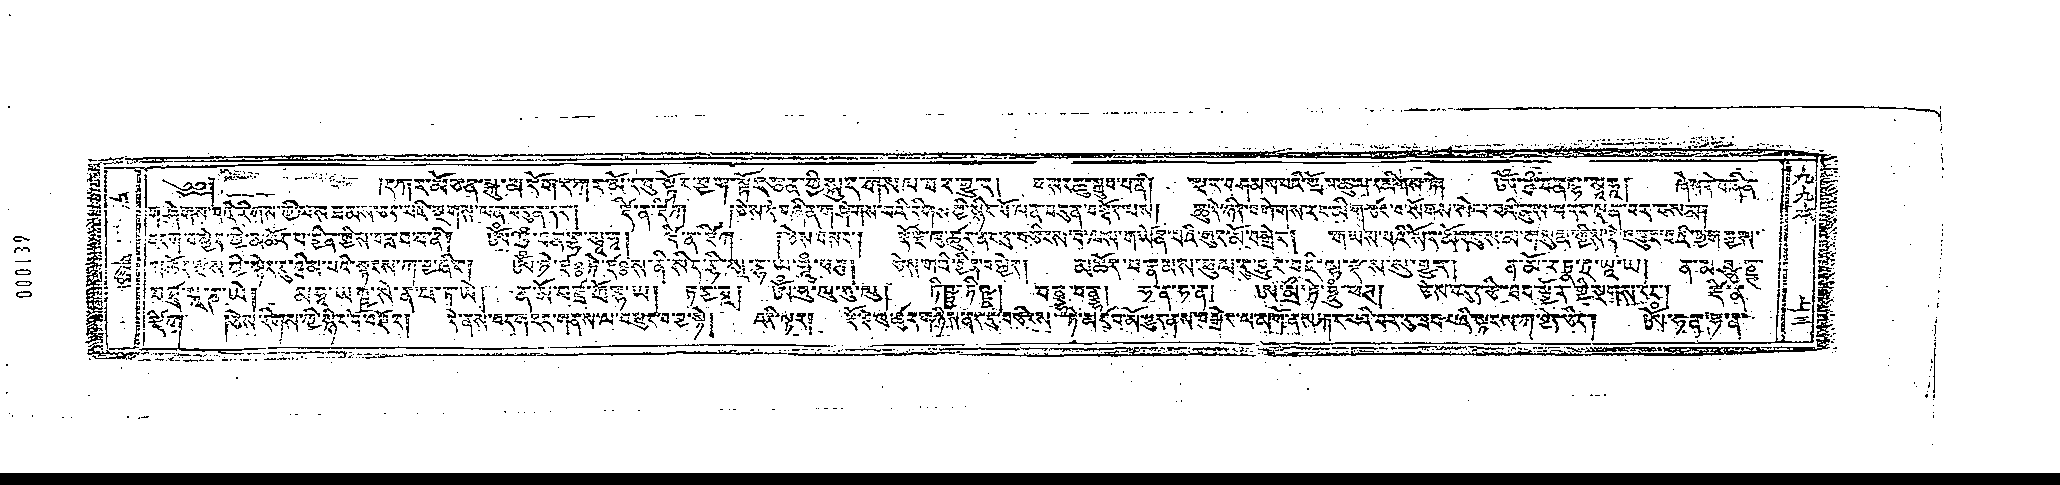༄༅། །དཀར་མོ་ཅན་སྐུ་མདོག་དཀར་མོ་དབུ་སྟོང་ཕྱག་སྟོང་ཅན་གྱི་སྐུར་གསལ་བར་གྱུར། བསང་ཆུ་སྒྲུབ་པ་ནི། སྔར་བཤམས་པ་རི་སྤོས་ཚུལ་དམིགས་ཏེ། ཨོཾ་ཏཾ་བན་དྷ་སྭཱ་ཧཱ། ཞེས་དེ་བཞིན་
གཤེགས་པའི་རིགས་ཀྱི་ལས་ཐམས་ཅད་པའི་སྔགས་ལན་བདུན་དང་། ཛི་ན་ཛི་ཀ །ཅེས་དེ་བཞིན་གཤེགས་པའི་རིགས་ཀྱི་སྙིང་པོ་ལན་བདུན་བརྗོད་པས། ཆུ་དེ་ཉིད་བགེགས་དང་མི་གཙང་བ་སོགས་སེལ་བའི་ནུས་པ་དང་ལྡན་བར་བསམ།
བདག་བསྐྱེད་ཀྱི་མཆོད་པ་བྱིན་གྱིས་བརླབ་བ་ནི། ཨོཾ་ཏྲི་བན་དྷ་སྭཱ་ཧཱ། ཛི་ན་ཛི་ཀ །ཅེས་བསང་། རྡོ་རྗེ་ཁུ་ཚུར་ནང་དུ་བཅིངས་པ་ལས་གཡོན་པའི་གུང་མོ་བསྒྲེང་། གཡས་པའི་སོར་མོ་དབུས་མ་གསུམ་གྱིས་དེ་བཟུང་བའི་ཕྱག་རྒྱས་
མཆོད་རྫས་ཀྱི་སྟེང་དུ་བྲིམ་པའི་སྟངས་ཀ་བྱ་ཞིང་། ཨོཾ་ཏེ་ཛཿ་ཏེ་ཛཿ ས་ནི་སིད་དྷི་སཱ་དྷ་ཡ་ཧཱུཾ་ཕཊ། ཅེས་གཟི་བྱིན་བསྐྱེད། མཆོད་པ་རྣམས་ཕུལ་དུ་བྱུང་པའི་ལྷ་རྫས་སུ་གྱུར། ན་མོ་རཏྣ་ཏྲ་ཡཱ་ཡ། ན་མ་ཤྩཎྚ་
བཛྲ་བཱ་ཎ་ཡེ། མ་ཧཱ་ཡཀྵ་སེ་ན་པ་ཏ་ཡེ། ན་མོ་བཛྲ་ཀྲོ་དྷ་ཡ། ཏབྱ་ཐཱ། ཨོཾ་ཧུ་ལུ་ཧུ་ལུ། ཏིཥཊཿཨ་ཏིཥཊཿཨ། བནྡྷ་བནྡྷ། ཧ་ན་ཧ་ན། ཨ་མྲཾ་ཏེ་ཧཱུཾ་ཕཊ། ཅེས་བདུད་རྩི་ཐབ་སྦྱོར་གྱི་སྔགས་དང་། ཛི་ན་
ཛི་ཀ །ཅེས་རིགས་ཀྱི་སྙིང་པོ་བརྗོད། དེ་ནས་བདག་དང་གནས་ལ་བསྲུང་བ་བྱ་སྟེ། འདི་ལྟར། རྡོ་རྗེ་ཁུ་ཚུར་གཉིས་ནང་དུ་བཅིངས་ཏེ་མཛུབ་མོ་བྱུང་ནས་བསྒྲེང་ལ་མགོ་ནས་རྐང་པའི་བར་དུ་བྲབ་པའི་སྟངས་ཀ་བྱེད་ཅིང་། ཨོཾ་ཧ་ན་ཧ་ན་